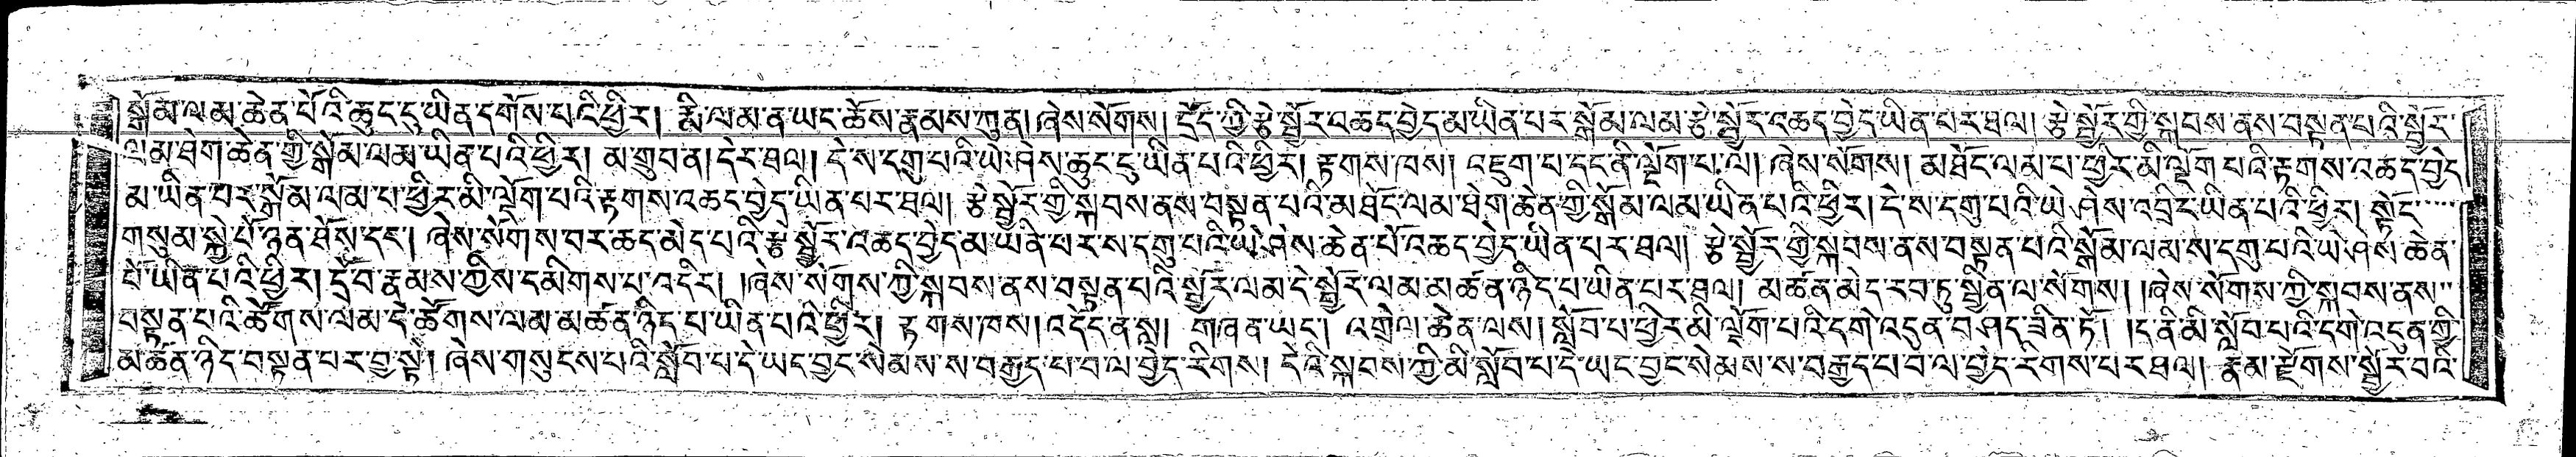སྒོམ་ལམ་ཆེན་པོའི་ཆུང་ངུ་ཡིན་དགོས་པའི་ཕྱིར། རྨི་ལམ་ན་ཡང་ཆོས་རྣམས་ཀུན། ཞེས་སོགས། དྲོད་ཀྱི་རྩེ་སྦྱོར་འཆད་བྱེད་མ་ཡིན་པར་སྒོམ་ལམ་རྩེ་སྦྱོར་འཆད་བྱེད་ཡིན་པར་ཐལ། རྩེ་སྦྱོར་གྱི་སྐབས་ནས་བསྟན་པའི་སྦྱོར་
ལམ་ཐེག་ཆེན་གྱི་སྒོམ་ལམ་ཡིན་པའི་ཕྱིར། མ་གྲུབ་ན། དེར་ཐལ། དེ་ས་དགུ་པའི་ཡེ་ཤེས་ཆུང་ངུ་ཡིན་པའི་ཕྱིར། རྟགས་ཁས། འཇུག་པ་དང་ནི་ལྡོག་པ་ལ། ཞེས་སོགས། མཐོང་ལམ་པ་ཕྱིར་མི་ལྡོག་པའི་རྟགས་འཆད་བྱེད་
མ་ཡིན་པར་སྒོམ་ལམ་པ་ཕྱིར་མི་ལྡོག་པའི་རྟགས་འཆད་བྱེད་ཡིན་པར་ཐལ། རྩེ་སྦྱོར་གྱི་སྐབས་ནས་བསྟན་པའི་མཐོང་ལམ་ཐེག་ཆེན་གྱི་སྒོམ་ལམ་ཡིན་པའི་ཕྱིར། དེ་ས་དགུ་པའི་ཡེ་ཤེས་འབྲིང་ཡིན་པའི་ཕྱིར། སྟོང་
གསུམ་སྐྱེ་བོ་ཉན་ཐོས་དང་། ཞེས་སོགས་བར་ཆད་མེད་པའི་རྩེ་སྦྱོར་འཆད་བྱེད་མ་ཡིན་པར་ས་དགུ་པའི་ཡེ་ཤེས་ཆེན་པོ་འཆད་བྱེད་ཡིན་པར་ཐལ། རྩེ་སྦྱོར་གྱི་སྐབས་ནས་བསྟན་པའི་སྒོམ་ལམ་ས་དགུ་པའི་ཡེ་ཤེས་ཆེན་
པོ་ཡིན་པའི་ཕྱིར། དྲོ་བ་རྣམས་ཀྱིས་དམིགས་པ་འདིར། །ཞེས་སོགས་ཀྱི་སྐབས་ནས་བསྟན་པའི་སྦྱོར་ལམ་དེ་སྦྱོར་ལམ་མཚན་ཉིད་པ་ཡིན་པར་ཐལ། མཚན་མེད་རབ་ཏུ་སྦྱིན་ལ་སོགས། །ཞེས་སོགས་ཀྱི་སྐབས་ནས་
བསྟན་པའི་ཚོགས་ལམ་དེ་ཚོགས་ལམ་མཚན་ཉིད་པ་ཡིན་པའི་ཕྱིར། རྟགས་ཁས། འདོད་ན་སླ། གཞན་ཡང་། འགྲེལ་ཆེན་ལས། སློབ་པ་ཕྱིར་མི་ལྡོག་པའི་དགེ་འདུན་བཤད་ཟིན་ཏོ། །ད་ནི་མི་སློབ་པའི་དགེ་འདུན་གྱི་
མཚན་ཉིད་བསྟན་པར་བྱ་སྟེ། ཞེས་གསུངས་པའི་སློབ་པ་དེ་ཡང་བྱང་སེམས་ས་བརྒྱད་པ་བ་ལ་བྱེད་རིགས། དེའི་སྐབས་ཀྱི་མི་སློབ་པ་དེ་ཡང་བྱང་སེམས་ས་བརྒྱད་པ་བ་ལ་བྱེད་རིགས་པར་ཐལ། རྣམ་རྫོགས་སྦྱོར་བའི་